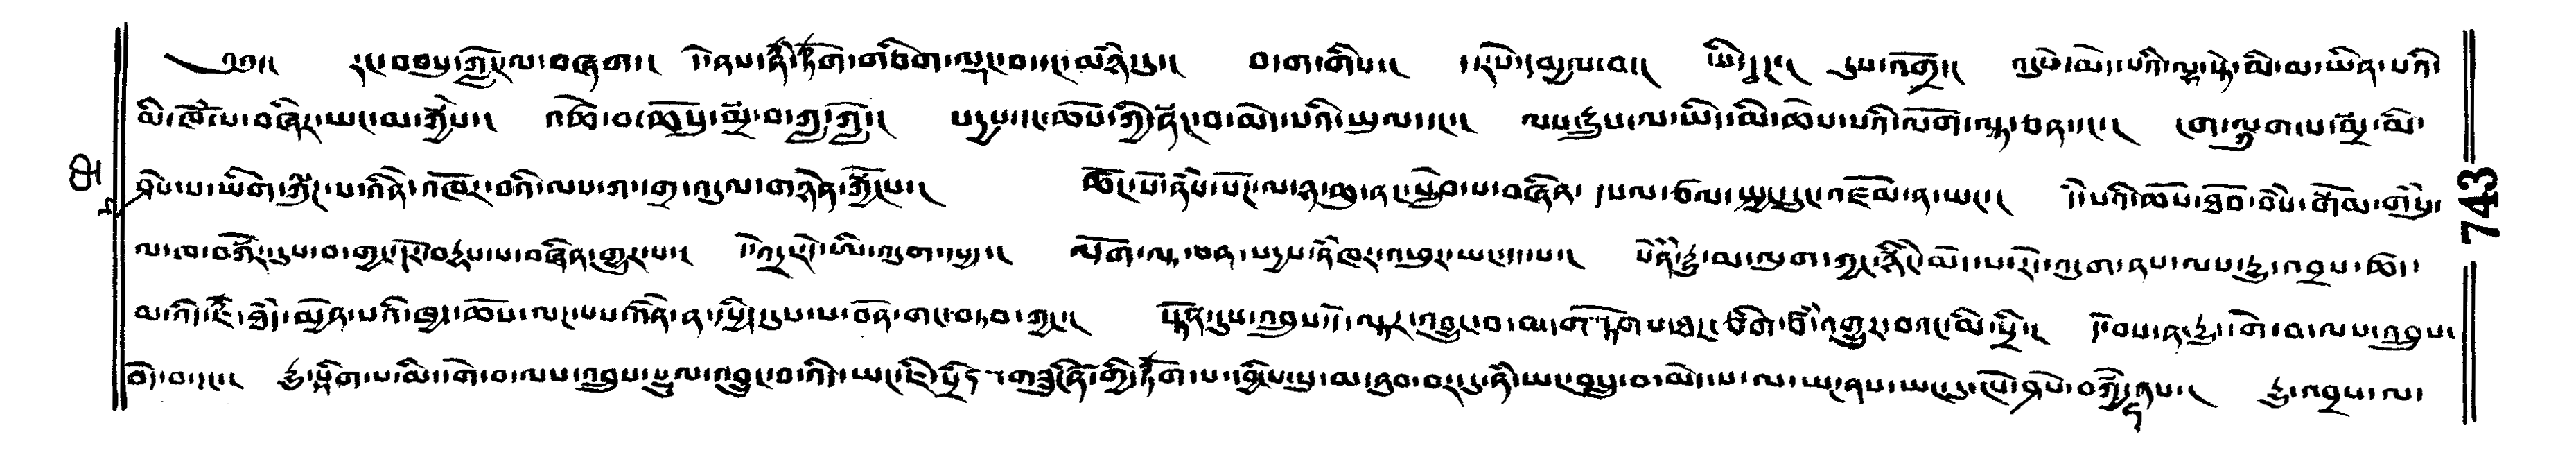རང་བབས་སུ་ ( ཀློང་ ? )གློད་ལ་བཞག དེ་ནས་རྣམ་རྟོག་གཅིག་ལྡང་བ་དང་མཉམ་དུ། བདག་གིས། ད་རེས་དམྱལ་བ། ཡི་དྭགས། དུད་འགྲོ། འདུ་ཤེས་མེད་པའི་ལྷ་སྟེ་མི་མ་ཡིན་པའི་
མི་ཁོམས་པ་བཞིར་ཡང་མ་སྐྱེས། འཚེ་བ་ཆོས་སུ་སྨྲ་བ་ཀླ་ཀློ། སངས་རྒྱས་དང་ཆོས་ཀྱི་སྣང་བ་མེད་པའི་ཡུལ་དང་། ལས་རྒྱུ་འབྲས་ལ་ཡིད་མི་ཆེས་པའི་ལོག་ལྟ་ཅན་དང་།ངག་ལྐུགས་པ་སྨྲ་མི་
ཤེས། ཡིད་ལྐུགས་པ་འཇིག་རྟེན་འཁོར་བའི་ལས་ཀ་དགྲ་འདུལ་གཉེན་སྐྱོང་། ཚོང་སོ་ནམ་སོགས་ལ་ཉ་ཆུ་ནང་སླེབ་པ་བཞིན་དཔའ་རྩལ་སྤྱང་དྲུང་འཛོམ་ན་ཡང་། དམ་པའི་ཆོས་ཐོས་བསམ་སྒོམ་གསུམ་
ལ་ཁ་བསྐོར་དུས་བ་གྱང་ངོར་བརྡས་པ་བཞིན་གྱུར་པ་དེ་འདྲ་རེད་ཨི་འདུག་དཔྱད། ལོག་ལྟ་ཅན་སངས་རྒྱས་ནམ་མཁར་འཕུར་ཡང་དད་པ། སེམས་ཅན་རྒྱུ་མ་ལུག་ཀྱང་སྙིང་རྗེ་མེད་པ་རེད་འདུག་ནས་ལས་རྒྱུ་འབྲས་ཚད་
མ་འདི་རྗེ་ཐམས་ཅད་མཁྱེན་པའི་ཁྱད་ཆོས་ལགས་པ་འཇིག་རྟེན་ན་དཔྱིད་དུས་ས་བོན་གང་བཏབ་ཀྱང་། སྟོན་དུས་འབྲས་བུ་དེ་ལྟར་འབྱུང་བ་མ་གཏོགས་ ( ཐང་ཅིག་ ? )ཙམ་འགྱུར་བའང་མི་སྲིད། དེ་བས་ན་རྒྱུ་དགེ་བ་ལས་འབྲས་བུ་
བདེ་བ་དང་། རྒྱུ་སྡིག་པ་མི་དགེ་བ་ལས་འབྲས་བུ་སྡུག་སྔལ་འབྱུང་བ་འདི་ཡང་ཇི་སྲིད་གཟུང་འཛིན་གྱི་རྟོག་པ་དབྱིངས་སུ་མ་ནུབ་བར་དུ་ནམ་ཡང་བསླུ་བ་མེད་པ་ལ་ཡང་ནས་ཡང་དུ་ངེས་ཤེས་བསྐྱེད་ནས། རྒྱུ་འབྲས་ལ་